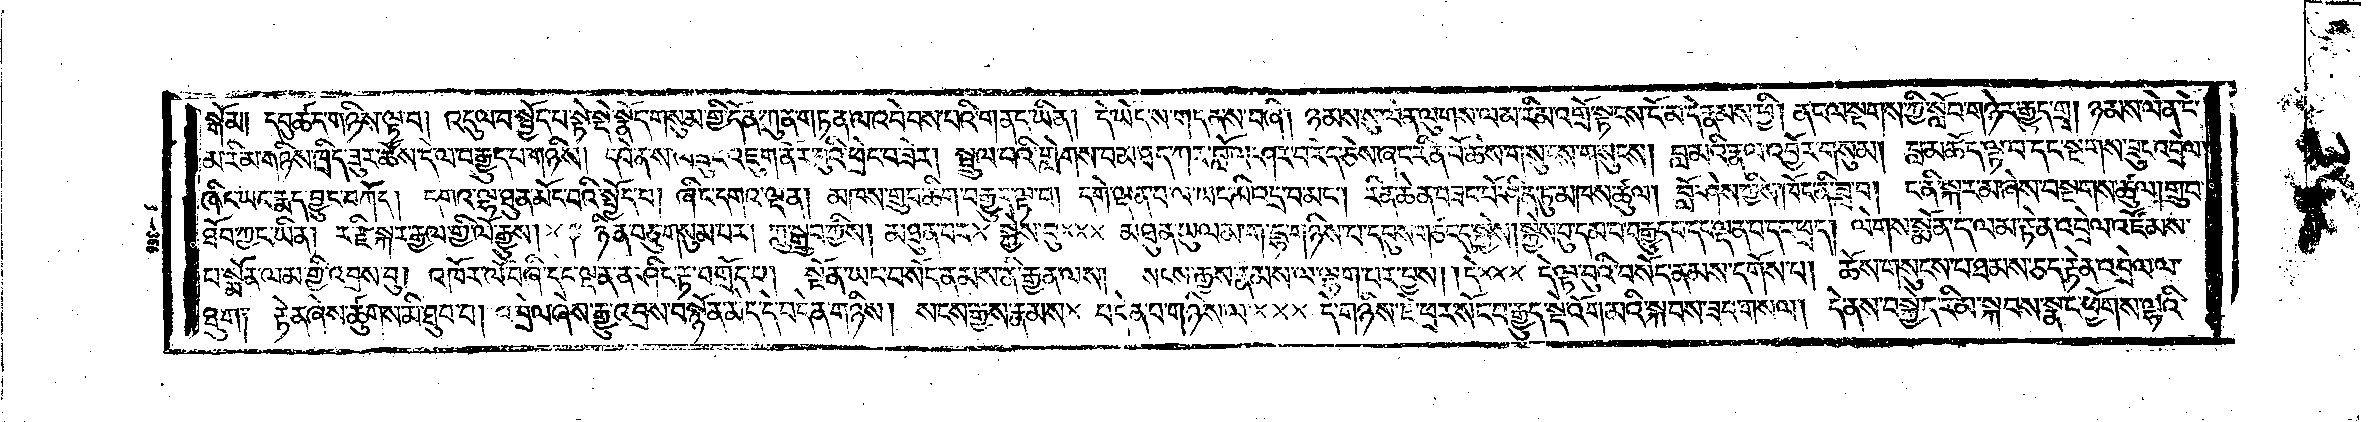སྒོམ། དབུ་ཚད་གཉིས་ལྟ་བ། འདུལ་བ་སྤྱོད་པ་སྟེ་སྡེ་སྣོད་གསུམ་གྱི་དོན་ཀུན་གཏན་ལ་འབེབས་པའི་གནང་ཡིན། དེ་ཡོད་ས་གདན་ས་བཞི། ཉམས་སུ་ལེན་ལུགས་ལམ་རིམ་འགྲོ་སྟངས་ངོ་མ་དེ་རྣམས་ཕྱི་ནང་ལ་སྔགས་ཀྱི་སློབ་གཉེར་རྒྱུད་གྲྭ། ཉམས་ལེན་ངོ་
མ་རིམ་གཉིས་ཁྲིད་ཟུར་ཚོད་དེ་ལ་བརྒྱུད་པ་གཉིས། དབེན་ས་འཁྲུང་འཇུག་ནོར་བུའི་ཕྲེང་བ་ཟེར། སྤྲུལ་པའི་གླེགས་བམ་ཐད་ཀར་བློ་ལ་ཤར་བ་རེད་ཅེས་ཞང་རིན་པོ་ཆེས་གསུངས་གསུངས། བླ་མའི་རྣལ་འབྱོར་གསུམ། བླ་མཆོད་ལྟ་བ་དན་སྔགས་ཟུང་འབྲེལ་
ཞིང་ཡང་རྨད་བྱུང་བཀོད། དགའ་ལྷ་ཐུན་མོང་བའི་སྤྱོད་པ། ཞིང་དགའ་ལྡན། མཁས་གྲུབ་ཆིག་བརྒྱུད་ལྟ་བ། དགེ་ལྡན་པ་ལ་ཡང་མི་འདྲ་བ་མང་། རིན་ཆེན་བཟང་པོ་ཤིན་ཏུ་མཁས་ཚུལ། བློ་ཤེས་ཀྱིས་ཁོང་ནི་ཟླ་བ། ང་ནི་སྐར་མ་ཞེས་བསྔགས་ཚུལ། གྲུབ་
ཐོབ་ཀྱང་ཡིན། ར་རྫི་སྐར་རྒྱལ་གྱི་ལོ་རྒྱུས། ྾་༈ ཉིན་བཅུ་གསུམ་པར། ཀླུ་སྒྲུབ་ཀྱིས། མཐུན་པར་྾་སྐྱེས་བུ་྾྾྾་མཐུན་ཡུལ་མ་ག་དྷ་གཉིས་པ་དབུས་གཙང་དུ་སྐྱེས། སྐྱེས་བུ་དམ་པ་བརྒྱུད་པ་དང་ལྡན་པ་དང་ཕྲད། ལེགས་སྨོན་ད་ལམ་རྟེན་འབྲེལ་འཛོམས་
པ་སྨོན་ལམ་གྱི་འབྲས་བུ། འཁོར་ལོ་བཞི་དྲང་ལྡན་ན་ཤིང་རྟ་བགྲོད་པ། སྔོན་ཡང་བསོད་ནམས་ནི་རྒྱན་ལས། སངས་རྒྱས་རྣམས་ལ་ལྷག་པར་བྱས། །དེ་྾྾྾་དེ་ལྟ་བུའི་བསོད་ནམས་དགོས་པ། ཆོས་གསུངས་པ་ཐམས་ཅད་རྟེན་འབྲེལ་ལ་
ཐུག༑ རྟེན་ཞེས་ཚུགས་མི་ཐུབ་པ། འབྲེལ་ཞེས་རྒྱུ་འབྲས་བསྙོན་མེད་དེ་བདེན་གཉིས། སངས་རྒྱས་རྣམས་྾་བདེན་པ་གཉིས་ལ་྾྾྾་དེ་གཉིས་ཇེ་ཕྲར་སོང་བ་རྒྱུད་སྡེ་འོག་མའི་སྐབས་ཟབ་གསལ། དེ་ནས་བསྐྱེད་རིམ་སྐབས་སྣང་ཕྱོགས་ལྷའི་